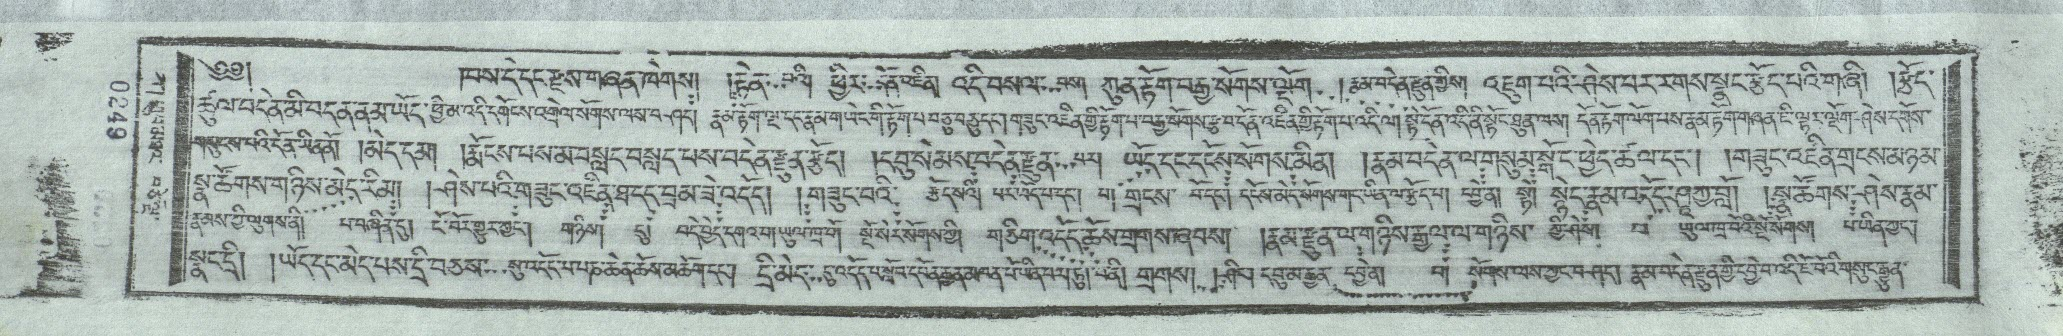༄༅། །བས་དེ་དང་རྫས་གཞན་ཁེགས། །རྩེན་པའི། ཕྱིར་དོན་འཛིན། འདི་བསལ་བས། ཀུན་རྟོག་བརྒྱ་སོགས་ལྡོག། །ཙམ་བདེན་རྫུན་གྱིས། འཇུག་པའི་ཤེས་པར་རགས་སྣང་རྩོད་པའི་གཞི། །རྩོད།
ཚུལ་བདེན་མི་བདན་ནམ་ཡོད་ཕྱི་མ་འདི་དགོངས་འབྲེལ་སོགས་ལས་བཤད། རྣམས་རྟོག་ལྔ་དན་རྣམ་ག་འོང་གི་རྟོག་པ་བཅུ་བཅུ་དང་། གདུང་འཛིན་ཀྱི་རྟོག་པ་བརྒྱ་སོགས་རྩ་བདོན་འཛིན་ཀྱི་སྟོན་པ་འདི་ལ། སྟེ་དོན་འདི་ནི་སྟོང་ཐུན་ལས། དོན་རྟོག་ལོགས་པ་རྣམ་ཉོག་གནང་སི་ལྷར་??????
གསུངས་པའི་དོན་ཡིན་ནོ། །མེད་དམ། །རྨོངས་པས་མ་བསླང་བསླད་པས་བདེན་རྫུན་རྩོད། །དབུ་སེམས་བདེན་རྫུན་པར། ཡོད་དང་དངོས་སོགས་མིན། །རྣམ་བདེན་ལ་གསུམ་སྒོང་ཕྱེད་ཚལ་དང་། གཟུང་འཛིན་གྲངས་མཉམ་
སྣ་ཚོགས་གཉིས་མེད་རིམ། །ཤེས་པའི་གཟུང་འཛིན་ཐ་དད་བྲམ་ཟེ་འདོད། །གཟུང་བའི་ཅོད་པའི། ??ཡོད་པ་དང་། བ། གྲངས་པོ་དང་། དངོས་མེད་སོགས་གང་ཡིན་ལ་རྩོད་བ། དབྱེ་ན། སྟེ། སྟེང་རྣམ་འདོད་ཤཱཀྱ་བློ། །སྣ་ཚོགས་ཤེས་རྣམ་
རྣམས་ཀྱི་ལུགས་ནི། པ་བཞིན་དུ། ངོ་བོར་གྱུར་ཀྱང་། གཉིས། དུ། བདེ་བྱེད་དགའ་གྱུལ་ཁྲ་བོ། སྔོ་སེར་སོགས་ཀྱི། གཅིག་འདོད་ཆོས་གྲགས་ཞབས། །རྣམ་རྫུན་ལ་གཉིས་རྒྱལ་ལ་གཉིས་ཀྱི་ཤེས། །ཡུལ་ཁྲ་བོའི་སྔོ་དས། པའི་ནམས་
སྣང་དྲི། །ཡོད་དང་མེད་པས་དྲི་བཅས་སུ་འདོད་པཎ་ཆེན་ཆོས་མཆོག་དང་། དྲི་མེད་དུ་བདོད་པ་སློབ་དངོ། རྒྱན་མ་བན་པོ་ཡིན་པར། ཏུ། བ་ནི། གྲགས། །ཤིང་དབུ་མ་རྒྱན་དབྱེ་ན། བ། སོགས་ལས་ཀྱང་བཤད། རྣམ་བདེན་རྫུན་ཀྱི་དབྱེ་བ་འདི་ངོ་བོའི་གསུང་རྒྱུན་